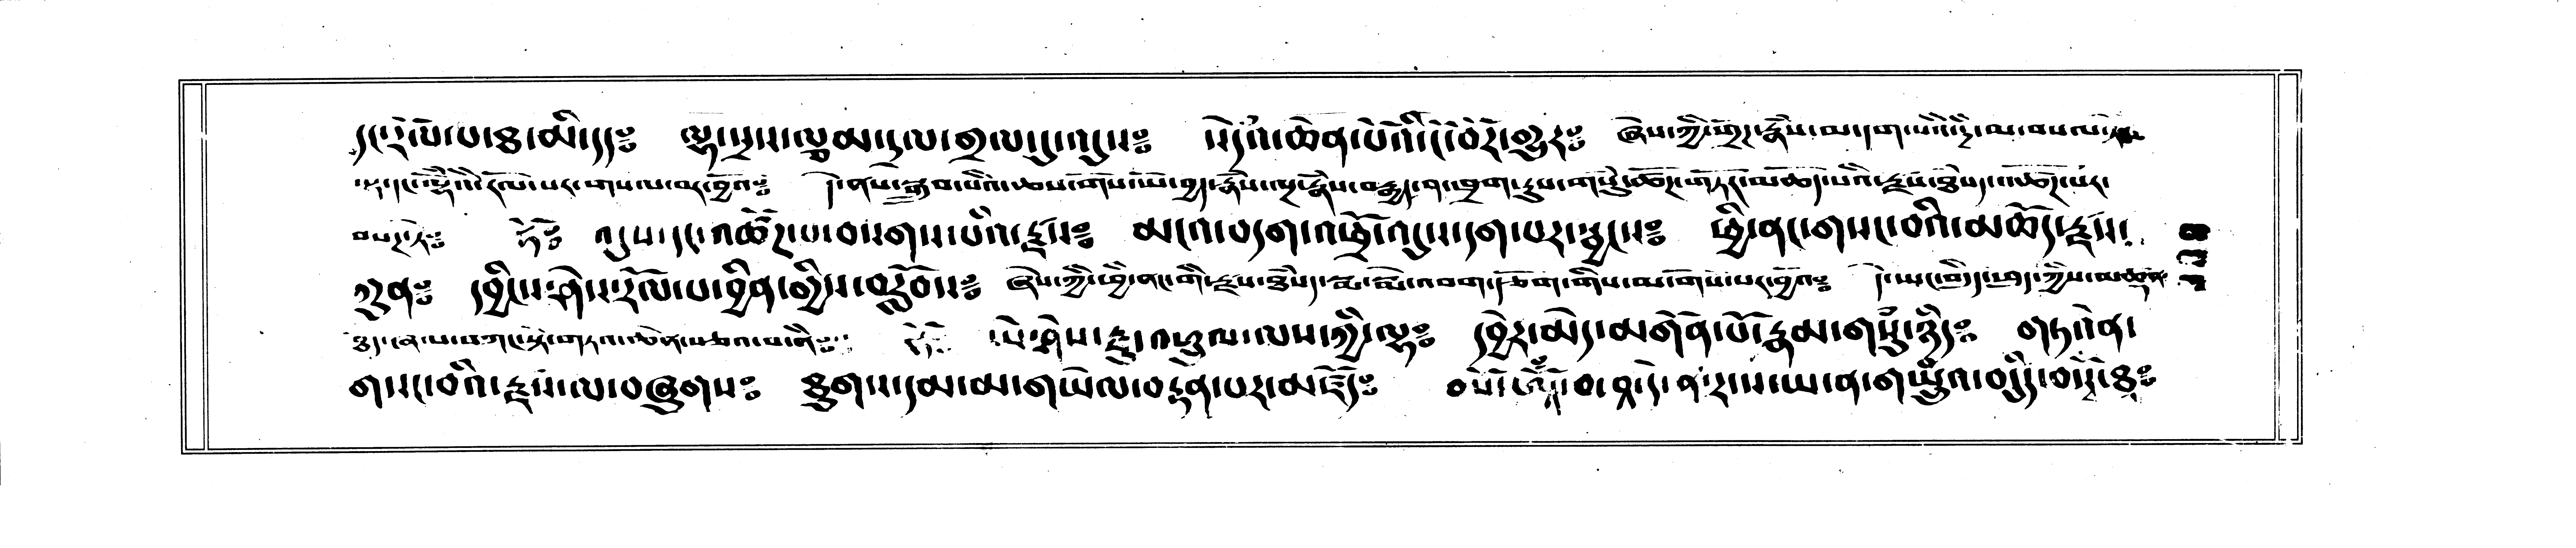དང་རོལ་པ་ཐ་མི་དད༔ ལྷ་སྲས་ལྕམ་དྲལ་གྲལ་དུ་འདུས༔ སེམས་དཔའ་ཆེན་པོའི་ངོ་བོར་གྱུར༔ ཞེས་ཀྱི་གྲོགས་རྣམས་མ་དག་པའི་དྲི་མ་བསལ་ཏེ་
ལྷ་དང་ལྷ་མོའི་རོལ་པར་གསལ་བར་བྱའོ༔ དེ་ནས་སྒྲུབ་པའི་ཆས་གོས་ཡོ་བྱད་རྣམ་ལྔ་རྣམ་བརྒྱད་ཤ་ཁྲག་རུས་གསུམ་ཚོགས་གཏོར་མཆོད་པའི་རྫས་ཐམས་ཅད་འཆོགས་པོར་
བསགས་ཏེ༔ ཧོ༔ འདུས་དང་འཚོགས་པ་བསགས་པའི་རྫས༔ མངའ་བདག་འཕྲོ་འདུས་དག་པར་སྦྱངས༔ ཕྱི་ནང་གསང་བའི་མཆོད་རྫས་
ཀུན༔ དབྱིངས་ཤེས་རོལ་པ་བྱིན་གྱིས་རློབས༔ ཞེས་ཀྱི་ཕྱི་ནང་གི་རྫས་ཐམས་ཅད་སྨ་སྨེ་འབག་རྩོག་གིས་མ་གོས་པར་བྱའོ༔ དེ་ཡང་བདུད་རྩི་ཕུད་ཀྱིས་མཚན་ལྡན་
ཐམས་ཅད་ཞལ་བཀང་སྟེ་གཏའ་ཆེན་བཅའ་བ་ནི༔ ཧོ༔ ཡེ་ཤེས་རྫུ་འཕྲུལ་ལས་ཀྱི་ལྷ༔ དབྱེར་མེད་མགོན་པོ་རྣམ་གསུམ་ཉིད༔ གཏའ་ཆེན་
གསང་བའི་རྫས་ལ་བཞུགས༔ ཐུགས་དམ་མ་གཡེལ་བརྟན་པར་མཛོདཿ བསྭོ་ཨཱོྃ་བ་བ་དེ་ན་ར་ས་ཡ་ན་གཡུ་འབྲང་བདུད་རྩི་བསྭོ་ཐཱ༔